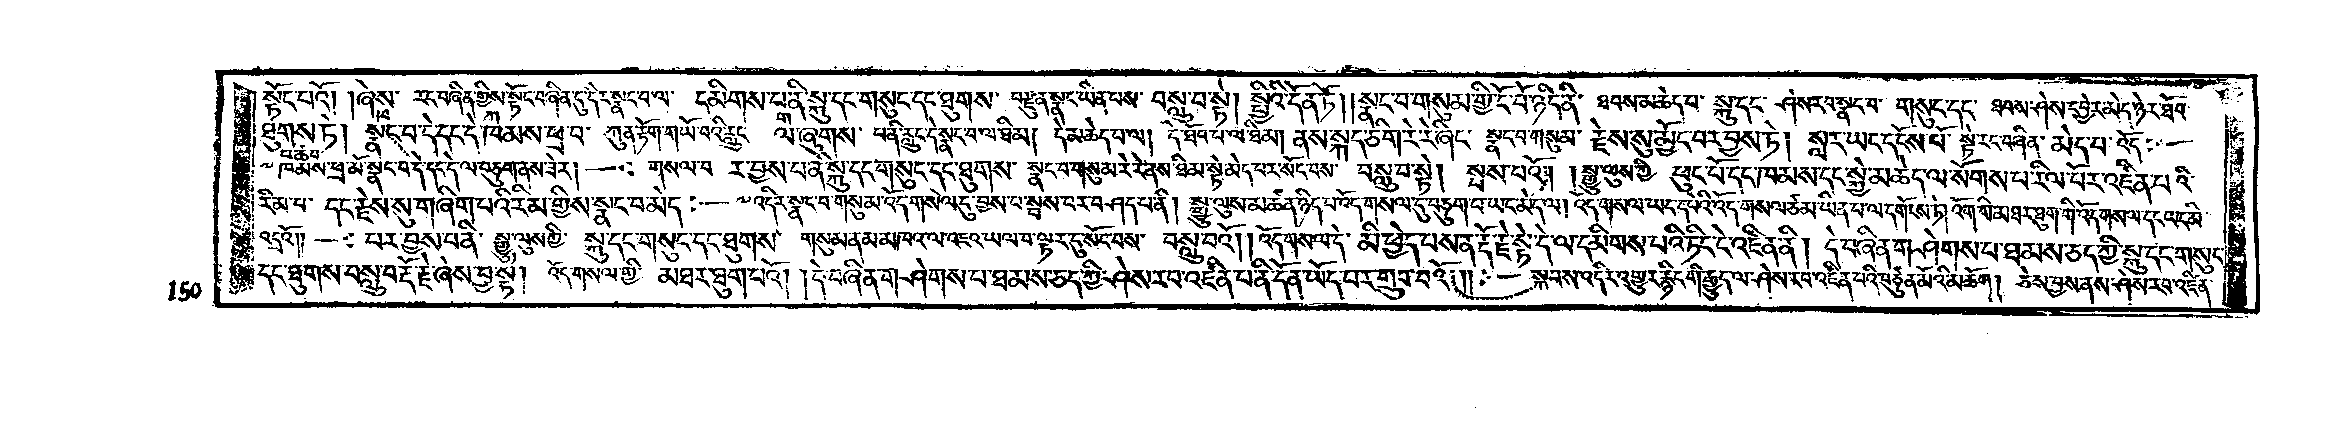སྟོང་པའོ། །ཞེས་རང་བཞིན་གྱིས་སྟོང་བཞིན་དུ་དེར་སྣང་བ་ལ་དམིགས་པ་ནི་སྐུ་དང་གསུང་དང་ཐུགས་བརྫུན་སྣང་ཡིན་པས་བསླུ་བ་སྟེ། སྤྱིའི་དོན་ཏོ། །སྣང་བ་གསུམ་གྱི་ངོ་བོ་ཉིད་ནི་ཐབས་མཆེད་པ་སྐུ་དང་ཤེས་རབ་སྣང་བ་གསུང་དང་ཐབས་ཤེས་དབྱེར་མེད་ཉེར་ཐོབ
ཐུགས་ཏེ། ཁ་སྣང་བ་དེ་དང་དེ་ཀ་ཁམས་ཕྲ་བ་ཀུན་རྟོག་གཡོ་བའི་རླུང་ག་ལ་ཞུགས་པ་ནི་རླུང་དེ་སྣང་བ་ལ་ཐིམ། དེ་མཆེད་པ་ལ། དེ་ཐོབ་པ་ལ་ཐིམ།  ནས་སྐད་ཅིག་རེ་རེ་ཞིང་སྣང་བ་གསུམ་རྗེས་སུ་མྱོང་བར་བྱས་ཏེ། སླར་ཡང་དངོས་པོ་སྟེ་རང་བཞིན་མེད་པ་འོདཿ
པ་ཚབ་༧ཁམས་ཕྲ་མོ་སྣང་བ་དེ་དང་དེ་ལ་བཅུག་ནས་ཟེར། .H གསལ་བར་བྱས་པ་ནི་སྐུ་དང་གསུང་དང་ཐུགས་སྣང་བ་གསུམ་རེ་རེ་ནས་ཐིམ་སྟེ་མེད་པར་སོང་བས་བསླུ་བ་སྟེ། སྤས་པའོ། ། སྒྱུ་ལུས་ཀྱི་ཕུང་པོ་དང་ཁམས་དང་སྐྱེ་མཆེད་ལ་སོགས་པ་རིལ་པོར་འཛིན་པའི་
རིམ་པ་དང་རྗེས་སུ་གཞིག་པའི་རིམ་གྱིས་སྣང་བ་མེདཿ་༧་འདིར་སྣང་བ་གསུམ་འོད་གསལ་དུ་བྱས་པ་སྦས་པར་བཤད་པ་ནི། སྒྱུ་ལུས་མཚན་ཉིད་པ་འོད་གསལ་དུ་བཅུག་པ་ཡང་མེད་ལ། འོད་གསལ་ཡང་དཔེའི་འོད་གསལ་ཙམ་ཡིན་པ་ལ་དགོངས་ཏེ། འོག་གི་མཐར་ཐུག་གི་འོད་གསལ་དང་ཡང་མི་
འདྲའོ།། .H པར་བྱས་པ་ནི་སྒྱུ་ལུས་ཀྱི་སྐུ་དང་གསུང་དང་ཐུགས་གསུམ་ནམ་མཁའ་ལ་འཇའ་ཡལ་བ་ལྟར་དུ་སོང་བས་བསླུ་བའོ། ། འོད་གསལ་དེ་མི་ཕྱེད་པས་ན་རྡོ་རྗེ་སྟེ་དེ་ལ་དམིགས་པའི་ཏིང་ངེ་འཛིན་ནི། དེ་བཞིན་གཤེགས་པ་ཐམས་ཅད་ཀྱི་སྐུ་དང་གསུང་
དང་ཐུགས་བསླུ་བ་རྡོ་རྗེ་ཞེས་བྱ་སྟེ། འོད་གསལ་གྱི་མཐར་ཐུག་པའོ། །དེ་བཞིན་གཤེགས་པ་ཐམས་ཅད་ཀྱི་ཤེས་རབ་འཛིན་པ་ནི་དོན་ཡོད་པར་གྲུབ་པའོ།།H.་སྐབས་འདིར་འགྱུར་རྙིང་གི་རྒྱུད་ལ་ཤེས་རབ་འཛིན་པའི་བཙུན་མོའི་མཆོག །ཅེས་བྱས་ནས་ཤེས་རབ་འཛིན་